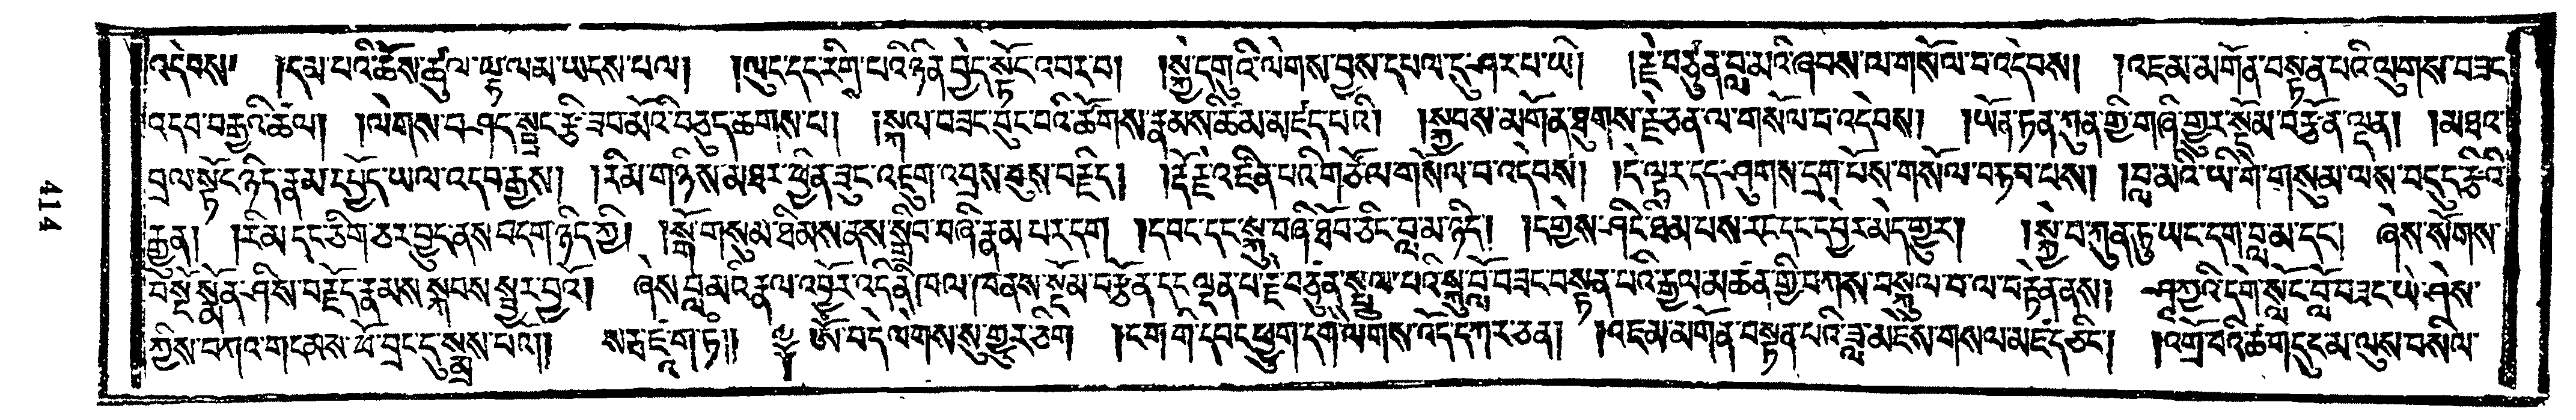འདེབས། །དམ་པའི་ཆོས་ཚུལ་ལྷ་ལམ་ཡངས་པ་ལ། །ལུང་དང་རིགས་པའི་ཉིན་བྱེད་སྟོང་འབར་བ། །སྐྱེ་དགུའི་ལེགས་བྱས་དཔལ་དུ་ཤར་པ་ཡི། །རྗེ་བཙུན་བླ་མའི་ཞབས་ལ་གསོལ་བ་འདེབས། །འཇམ་མགོན་བསྟན་པའི་ལུགས་བཟང་
འདབ་བརྒྱའི་ཚལ། །ལེགས་བཤད་སྦྲང་རྩེ་ཟབ་མོའི་བཅུད་ཆགས་པ། །སྐལ་བཟང་བུང་བའི་ཚོགས་རྣམས་ཚིམ་མཛད་པའི། །སྐྱབས་མགོན་ཐུགས་རྗེ་ཅན་ལ་གསོལ་བ་འདེབས། །ཡོན་ཏན་ཀུན་གྱི་གཞི་གྱུར་སྡོམ་བརྩོན་ལྡན། །མཐའ་
བྲལ་སྟོང་ཉིད་རྣམ་དཔྱོད་ཡལ་འདབ་རྒྱས། །རིམ་གཉིས་མཐར་ཕྱིན་ཟུང་འཇུག་འབྲས་བུས་བརྗིད། །རྡོ་རྗེ་འཛིན་པའི་གཙོལ་གསོལ་བ་འདེབས། །དེ་ལྟར་དད་ཤུགས་དྲག་པོས་གསོལ་བཏབ་པས། །བླ་མའི་ཡི་གེ་གསུམ་ལས་བདུད་རྩིའི་
རྒྱུན། །རིམ་དང་ཅིག་ཅར་བྱུང་ནས་བདག་ཉིད་ཀྱི། །སྒོ་གསུམ་ཐིམས་ནས་སྒྲིབ་བཞི་རྣམ་པར་དག །དབང་དང་སྐུ་བཞི་ཐོབ་ཅིང་བླ་མ་ཉིད། །དགྱེས་ཤིང་ཐིམ་པས་རང་དང་དབྱེར་མེད་གྱུར། །སྐྱེ་བ་ཀུན་ཏུ་ཡང་དག་བླ་མ་དང་། ཞེས་སོགས་
བ་སྔོ་སྨོན་ཤིས་བརྗོད་རྣམས་སྐབས་སྦྱར་བྱའོ། ཞེས་བླ་མའི་རྣལ་འབྱོར་འདི་ནི་ཁལ་ཁ་ནས་སྔོམ་བརྩོན་དང་ལྡན་པ་རྗེ་བཙུན་སྤྲུལ་པའི་སྐུ་བློ་བཟང་བསྟན་པའི་རྒྱལ་མཚན་གྱི་བཀས་བསྐུལ་བ་ལ་བརྟེན་ནས། ཤཱཀྱའི་དགེ་སློང་བློ་བཟང་ཡེ་ཤེས་
ཀྱིས་བཀའ་གདམས་ཕོ་བྲང་དུ་སྨྲས་པའོ། །སརྦ་ཛཱ་ག་ཏཾ།། ༈ ཨོཾ་བདེ་ལེགས་སུ་གྱུར་ཅིག །ངག་གི་དབང་ཕྱུག་དགེ་ལེགས་འོད་དཀར་ཅན། །འཇམ་མངོན་བསྟན་པའི་ཟླ་མཛེས་གསལ་མཛད་ཅིང་། །འགྲོ་བའི་ཚ་གདུང་མ་ལུས་བསིལ་